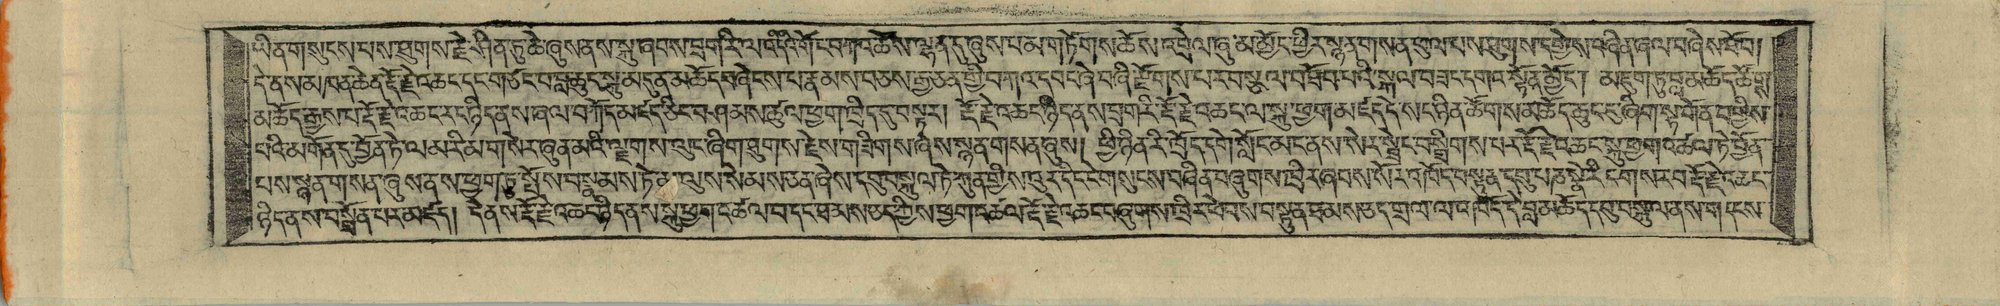ཡིན་གསུངས་པས་ཐུགས་རྗེ་ཤིན་ཏུ་ཆེ་ཞུས་ནས་སྐུ་ཞབས་བྲག་རི་ལ་འདིའི་གོང་བཀའ་ཆོས་ལྷན་དུ་ཞུས་པ་མ་གཏོགས་ཆོས་འབྲེལ་ཞུ་མ་མྱོང་ཕྱིར་སྙན་གསན་ཕུལ་པས་ཐུགས་དགྱེས་བཞིན་ཞལ་བཞེས་ཐོབ།
དེ་ནས་མཁན་ཆེན་རྡོ་རྗེ་འཆང་དང་གཙང་པ་བླ་ཆུང་སྐུ་མདུན་མཆོད་བཞེངས་པ་རྣམས་བཅས་རྒྱ་ཅན་གྱི་བཀའ་དབང་ཞེ་བཞི་རྫོགས་པར་བསྩལ་བ་ཐོབ་པའི་སྐལ་བཟང་དགའ་སྟོན་མྱོང་། མཇུག་ཏུ་བླ་མཆོད་ཚོགས་
མཆོད་རྒྱས་པ་རྡོ་རྗེ་འཆང་རང་ཉིད་ནས་ཞལ་བཀོད་མཛད་ཅིང་བཤམས་ཚུལ་ཕྱག་ཁྲིད་དུ་བསྟར། རྡོ་རྗེ་འཆང་ཉིད་ནས་བྲག་རི་རྡོ་རྗེ་འཆང་ལ་སྐུ་ཕྱག་མཛད་དེ་སང་ཉིན་ཚོགས་མཆོད་ཆུང་ངུ་ཞིག་སྟ་གོན་བགྱིས་
པའི་མགོན་དུ་བྱོན་ཏེ་ལམ་རིམ་གསེར་ཞུན་མའི་ལྗགས་ལུང་ཞིག་ཐུགས་རྗེས་གཟིགས་ཞེས་སྙན་གསན་ཞུས། ཕྱི་ཉིན་རི་ཁྲོད་དགེ་སློང་མང་ནས་སེར་སྦྲེང་བསྒྲིགས་པར་རྡོ་རྗེ་འཆང་སྐུ་ཕྱག་འཚལ་ཏེ་བྱོན་
པས་སྙན་གསན་ཞུས་ནས་ཕྱག་ཏུ་སྤོས་བསྣམས་ཏེ་མ་ལུས་སེམས་ཅན་ཞེས་དབུ་བསྐུལ་ཏེ་ཀུན་གྱིས་འུར་དིང་ངེ་གསུངས་བཞིན་བཞུགས་ཁྲིར་ཞབས་སོར་འཁོད་བསྟུན་དབུ་པཎ་སྣེ་རིང་གསར་བ་རྡོ་རྗེ་འཆང་
ཉིད་ནས་བསྒྲོན་པར་མཛད། དེ་ནས་རྡོ་རྗེ་འཆང་ཉིད་ནས་སྐུ་ཕྱག་འཚལ་བ་དང་ཐམས་ཅད་ཀྱིས་ཕྱག་འཚལ་རྡོ་རྗེ་འཆང་བཞུགས་ཁྲིར་ཕེབས་བསྟུན་ཐམས་ཅད་གྲལ་ལ་འཁོད་དེ་བླ་མཆོད་དབུ་བསྐུལ་ནས་གདངས་